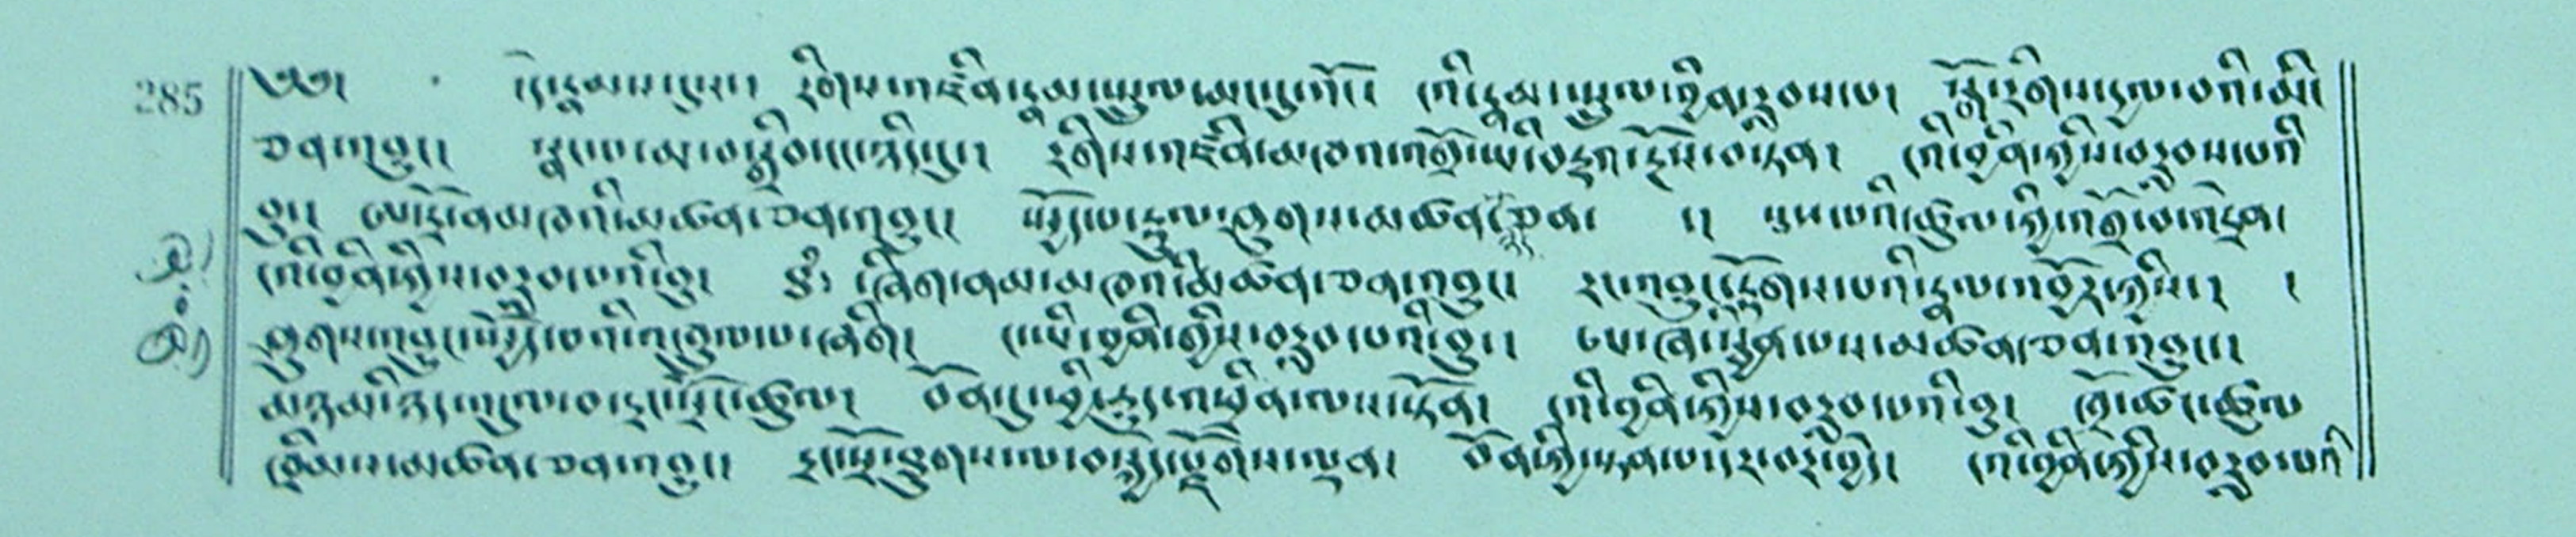༄༅། །དེ་རྣམས་དུས། རིགས་འཛིན་རྣམ་སྤྲུལ་མང་དུ་འོང་། ང་ཡི་རྣམ་སྤྲུལ་བྱིན་རླབས་པ། སྒོ་རིགས་རྒྱལ་བའི་མིང་
ཅན་འབྱུང་། སྣང་བ་མ་བསྒྲིབ་ངང་ཉིད་དུ། རིགས་འཛིན་མཁའ་འགྲོའི་བརྡའ་རྔོས་བསྟན། ང་ཡི་བྱིན་གྱིས་རླབས་པའི་
བུ། ཨ་དྲོ་ནམ་མཁའི་མཚན་ཅན་འབྱུང་། སྤྱོད་པ་རྟུལ་ཤུགས་མཚན་ཉིད་ཅན། སྦས་པའི་ཚུལ་ཅན་འགྲོ་བ་འདྲེན། 
ང་ཡི་བྱིན་གྱིས་རླབས་པའི་བུ། ཐམ་ཞིག་ནམ་མཁའི་མཚན་ཅན་འབྱུང་། རང་འབྱུང་རྟོགས་པའི་རྣལ་འབྱོར་ཀྱིས། 
ཤུགས་འབྱུང་སྤྱོད་པའི་འཁྲུལ་པ་ཞིག ང་ཡི་བྱིན་གྱིས་རླབས་པའི་བུ། ཨ་ཞ་སྦྱིན་པའི་མཚན་ཅན་འབྱུང་། 
མཉམ་ཉིད་འདུལ་བ་དྲང་སྲོང་ཚུལ། བོན་དུ་ཕྱི་རྒྱུད་འཕྲིན་ལས་སྟོན། ང་ཡི་བྱིན་གྱིས་རླབས་པའི་བུ། ཁྲོ་ཚང་ཚུལ་
ཁྲིམས་མཚན་ཅན་འབྱུང་། དྲང་སྲོང་ཐུགས་ལ་བསྐྱེད་རྫོགས་ལྡན། བོན་གྱི་བསྟན་པ་དར་བར་བྱེད། ང་ཡི་བྱིན་གྱིས་རླབས་པའི་